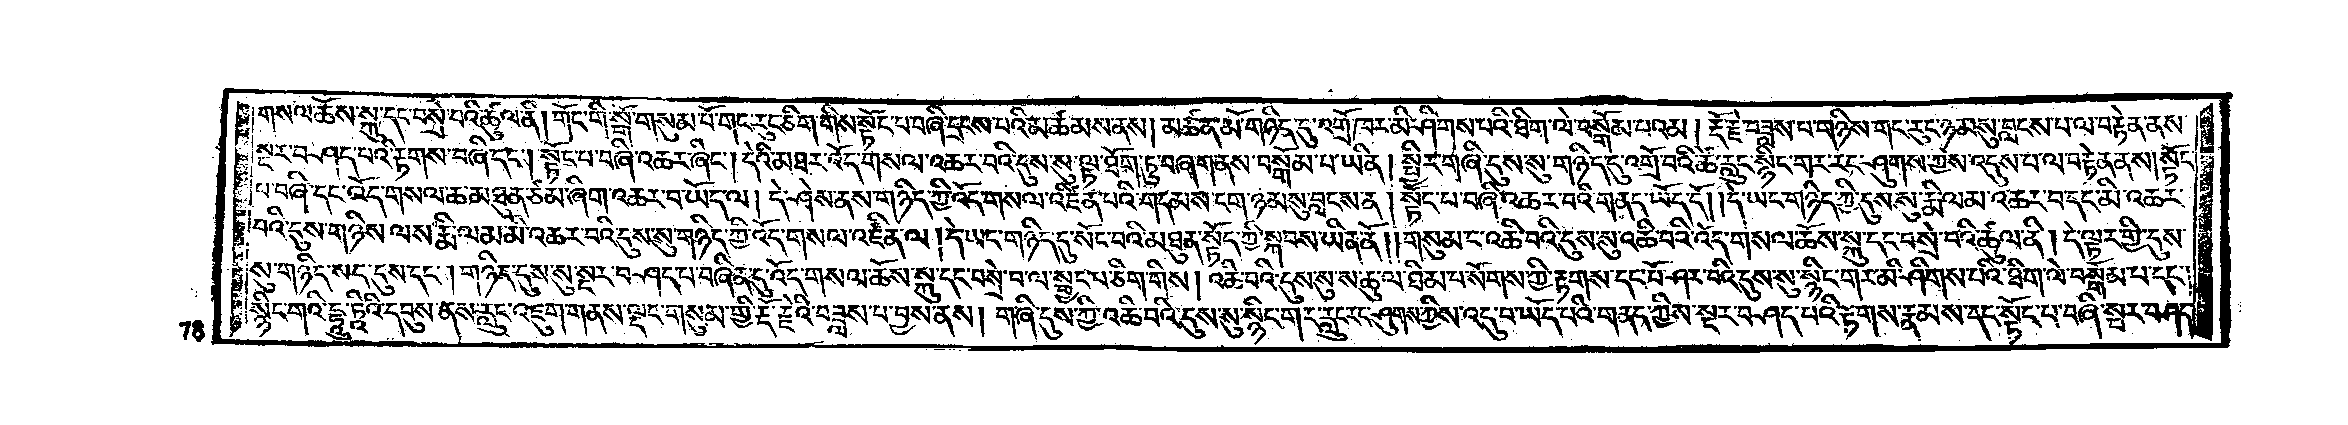གསལ་ཆོས་སྐུ་དང་བསྲེ་བའི་ཚུལ་ནི། གོང་གི་སྒོ་གསུམ་པོ་གང་རུང་ཅིག་གིས་སྟོང་པ་བཞི་དྲངས་པའི་མཚམས་ནས། མཚན་མོ་གཉིད་དུ་འགྲོ་ཁར་མི་ཤིགས་པའི་ཐིག་ལེ་བསྒོམ་པའམ། རྡོ་རྗེ་བཟླས་པ་གཉིས་གང་རུང་ཉམས་སུ་བླངས་པ་ལ་བརྟེན་ནས་
སྔར་བཤད་པའི་རྟགས་བཞི་དང་། སྟོང་པ་བཞི་འཆར་ཞིང་། དེའི་མཐར་འོད་གསལ་འཆར་བའི་དུས་སུ་ལྟ་ཐོག་ཏུ་བཞག་ནས་བསྒོམ་པ་ཡིན། སྤྱིར་གཞི་དུས་སུ་གཉིད་དུ་འགྲོ་བའི་ཚེ་རླུང་སྙིང་གར་རང་ཤུགས་ཀྱིས་འདུས་པ་ལ་བརྟེན་ནས། སྟོང་
པ་བཞི་དང་འོད་གསལ་ཆ་མཐུན་ཙམ་ཞིག་འཆར་བ་ཡོད་ལ། དེ་ཤེས་ནས་གཉིད་ཀྱི་འོད་གསལ་འཛིན་པའི་གདམས་ངག་ཉམས་སུ་བླངས་ན། སྟོང་པ་བཞི་འཆར་བའི་གནད་ཡོད་དོ། །དེ་ཡང་གཉིད་ཀྱི་དུས་སུ་རྨི་ལམ་འཆར་བ་དང་མི་འཆར་
བའི་དུས་གཉིས་ལས་རྨི་ལམ་མི་འཆར་བའི་དུས་སུ་གཉིད་ཀྱི་འོད་གསལ་འཛིན་ལ། དེ་ཡང་གཉིད་དུ་སོང་བའི་མཐུན་སྟོད་ཀྱི་སྐབས་ཡིན་ནོ། །གསུམ་པ་འཆི་བའི་དུས་སུ་འཆི་བའི་འོད་གསལ་ཆོས་སྐུ་དང་བསྲེ་བའི་ཚུལ་ནི། དེ་ལྟར་གྱི་དུས་
སུ་གཉིད་སད་དུས་དང་། གཉིད་དུས་སུ་སྔར་བཤད་པ་བཞིན་དུ་འོད་གསལ་ཆོས་སྐུ་དང་བསྲེ་བ་ལ་སྦྱང་པ་ཅིག་གིས། འཆི་བའི་དུས་སུ་ས་ཆུ་ལ་ཐིམ་པ་སོགས་ཀྱི་རྟགས་དང་པོ་ཤར་བའི་དུས་སུ་སྙིང་གར་མི་ཤིགས་པའི་ཐིག་ལེ་བསྒོམ་པ་དང་།
སྙིང་གའི་དྷཱ་ཏཱིའི་དབུས་ནས་རླུང་འཇུག་གནས་ལྡང་གསུམ་གྱི་རྡོ་རྗེའི་བཟླས་པ་བྱས་ནས། གཞི་དུས་ཀྱི་འཆི་བའི་དུས་སུ་སྙིང་གར་རླུང་རང་ཤུགས་ཀྱིས་འདུ་བ་ཡོད་པའི་གནད་ཀྱིས་སྔར་བཤད་པའི་རྟགས་རྣམས་དང་སྟོང་པ་བཞི་སྔར་བཤད་